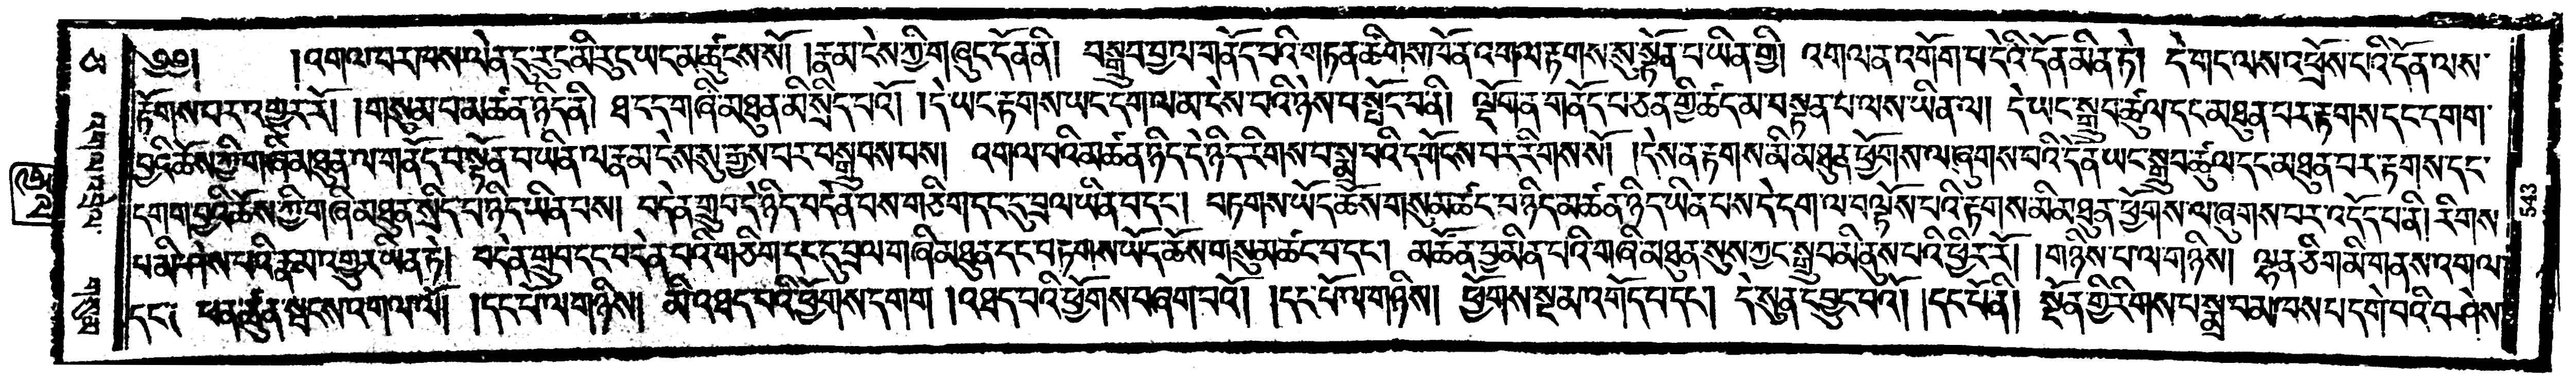༄༅། །འགལ་བར་ཁས་ལེན་དུ་རུང་མི་རུང་ཡང་མཚུངས་སོ། །རྣམ་ངེས་ཀྱི་གཞུང་དོན་ནི། བསྒྲུབ་བྱ་ལ་གནོད་པའི་གཏན་ཚིགས་ཁོ་ན་འགལ་རྟགས་སུ་སྟོན་པ་ཡིན་གྱི། འགལ་ན་འགོག་པ་དེའི་དོན་མིན་ཏེ། དེ་གང་ལས་འཕྲོས་པའི་དོན་ལས་
རྟོགས་པར་འགྱུར་རོ། །གསུམ་པ་མཚན་ཉིད་ནི། ཐ་དད་གཞི་མཐུན་མི་སྲིད་པའོ། །དེ་ཡང་རྟགས་ཡང་དག་ལ་མ་ངེས་པའི་ཉེས་པ་སྤོང་བ་ནི། ལྡོག་ན་གནོད་པ་ཅན་གྱི་ཚད་མ་བསྟན་པ་ལས་ཡིན་ལ། དེ་ཡང་སྒྲུབ་ཚུལ་དང་མཐུན་པར་རྟགས་དང་དགག་
བྱའི་ཆོས་ཀྱི་གཞི་མཐུན་ལ་གནོད་པ་སྟོན་པ་ཡིན་ལ་རྣམ་ངེས་སུ་རྒྱས་པར་བསྒྲུབས་པས། འགལ་བའི་མཚན་ཉིད་དེ་ཉིད་རིགས་པ་སྨྲ་བའི་དགོངས་པར་རིགས་སོ། །དེས་ན་རྟགས་མི་མཐུན་ཕྱོགས་ལ་ཞུགས་པའི་དོན་ཡང་སྒྲུབ་ཚུལ་དང་མཐུན་པར་རྟགས་དང་
དགག་བྱའི་ཆོས་ཀྱི་གཞི་མཐུན་སྲིད་པ་ཉིད་ཡིན་པས། བདེན་གྲུབ་དེ་ཉིད་བདེན་པས་གཅིག་དང་དུ་བྲལ་ཡིན་པ་དང་། བཏགས་ཡོད་ཆོས་གསུམ་ཚང་བ་ཉིད་མཚན་ཉིད་ཡིན་པས་དེ་དག་ལ་བལྟོས་པའི་རྟགས་མི་མཐུན་ཕྱོགས་ལ་ཞུགས་པར་འདོད་པ་ནི། རིགས་
པ་མི་ཤེས་པའི་རྣམ་འགྱུར་ཡིན་ཏེ། བདེན་གྲུབ་དང་བདེན་པའི་གཅིག་དང་དུ་བྲལ་གཞི་མཐུན་དང་བཏགས་ཡོད་ཆོས་གསུམ་ཚང་བ་དང་། མཚོན་བྱ་མིན་པའི་གཞི་མཐུན་སུས་ཀྱང་སྒྲུབ་མི་ནུས་པའི་ཕྱིར་རོ། །གཉིས་པ་ལ་གཉིས། ལྷན་ཅིག་མི་གནས་འགལ་
དང་། ཕན་ཚུན་སྤངས་འགལ་ལོ། །དང་པོ་ལ་གཉིས། མི་འཐད་པའི་ཕྱོགས་དགག །འཐད་པའི་ཕྱོགས་བཞག་པའོ། །དང་པོ་ལ་གཉིས། ཕྱོགས་སྔ་མ་འགོད་པ་དང་། དེ་སུན་དབྱུང་བའོ། །དང་པོ་ནི། སྔོན་གྱི་རིགས་པ་སྨྲ་བ་མཁས་པ་དགེ་བའི་བཤེས་